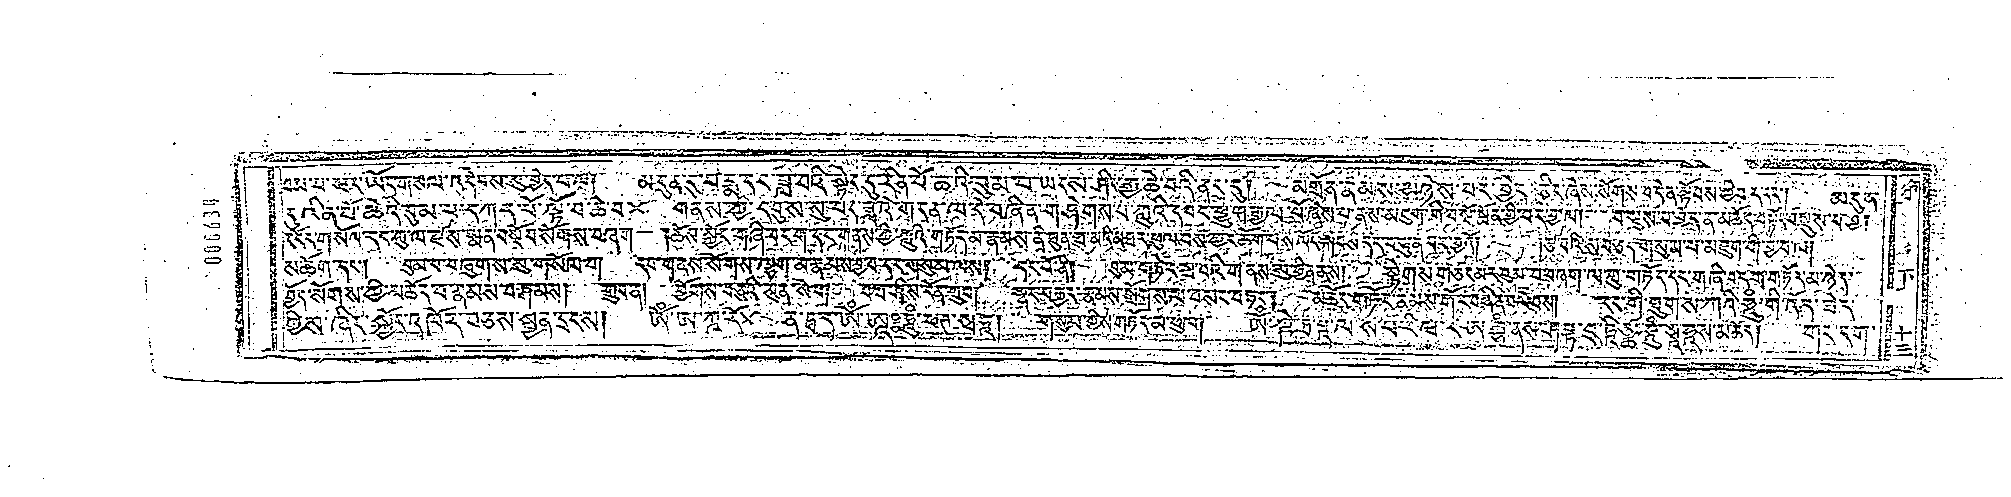བུམ་པ་སྔར་ཡོང་གསལ་འདེབས་སུ་བྱེད་པ་ལ། མདུན་དུ་པདམ་དང་ཟླ་བའི་སྟེང་དུ་རིན་པོ་ཆེའི་བུམ་པ་ཡངས་ཤིང་རྒྱ་ཆེ་བའི་ནང་དུ། མགྲོན་རྣམས་མཉེས་པར་བྱེད་ཅིང་ཞེས་སོགས་བདེན་སྟོབས་ཀྱི་བར་དང་། མདུན་
དུ་རིན་པོ་ཆེའི་བུམ་པ་དཀར་པོ་ལྟོ་བ་ཆེ་བ་྾་གནས་ཀྱི་དབུས་སུ་པར་ཟླའི་གདན་ལ་དེ་བཞིན་གཤེགས་པ་ཀླུའི་དབང་ཕྱུག་རྒྱལ་པོ་ཞེས་པ་ནས་མཇུག་གི་བསྔོ་སྨོན་གྱི་བར་བྱ་ལ། བསྡུས་པ་བྱེད་ན་མཆོད་བསྟོད་བསྡུས་པ་བྱ།
དངོད་གསོལ་དང་ཀླུ་ལ་རྫས་སྨན་བསྔོ་བ་སོགས་བཞག །ཆོས་སྐྱོང་གཞི་བདག་དང་གནས་ཀྱི་ཀླུའི་གཏོར་མ་རྣམས་ནི་ཐུན་ཐ་མའི་མཐར་ཕུལ་བས་ཀྱང་ཆོག་པས་ལོང་སྐབས་དང་བསྟུན་པར་བྱའོ། །རྩ་བའི་བཅད་གསུམ་པ་མཇུག་གི་བྱ་བ་ལ།
ས་ཆོག་དང་། བུམ་པ་བཞུགས་སུ་གསོལ་བ། རབ་གནས་སོགས་ལྷག་མ་རྣམས་བྱ་བ་དང་གསུམ་ལས། དང་པོ་ནི། བུམ་གཏེར་སྦ་བའི་གནས་སུ་ཕྱིན་ནས། སྟེགས་གཙང་མར་བུམ་པ་བཞག་ལ་གླུ་གཏོར་དང་གཞི་བདག་གཏོར་མ་ཉེར་
བྱོད་སོགས་ཀྱི་མཆོད་པ་རྣམས་བཤམས། གྲུབ་ན། ཕྱོགས་བཅུའི་མུན་སེལ། བཀྲ་ཤིས་དོན་གྲུབ། སྣང་བརྒྱད་རྣམས་སྒྲོགས་ལ་བསང་བཏང་། མཆོད་གཏོར་རྣམས་གོང་བཞིན་བྱས་པས། རང་གི་ཐུགས་ཀའི་ཧཱུཾ་གི་འོད་ཟེར་
གྱིས་ཞིང་སྐྱོང་འཁོར་བཅས་སྤྱན་དྲངས། ཨོཾ་ཨ་ཀཱ་རོ་྾་ན་ཏྭ་ད་ཨོཾ་ཨཱཿ་ཧཱུཾ་ཕཊ་སྭཱཧཱ། གསུམ་གྱིས་གཏོར་མ་ཕུལ། ཨོཾ་ཀྵེ་ཏྲ་པཱ་ལ་ས་པ་རི་ཝ་ར་ཨརྒྷཾ་ནས་ཤཔྟ་བྲ་ཏཱིཙྪ་ཧཱུཾ་སྭཱཧཱ་ས་མཆོད། གང་དག་